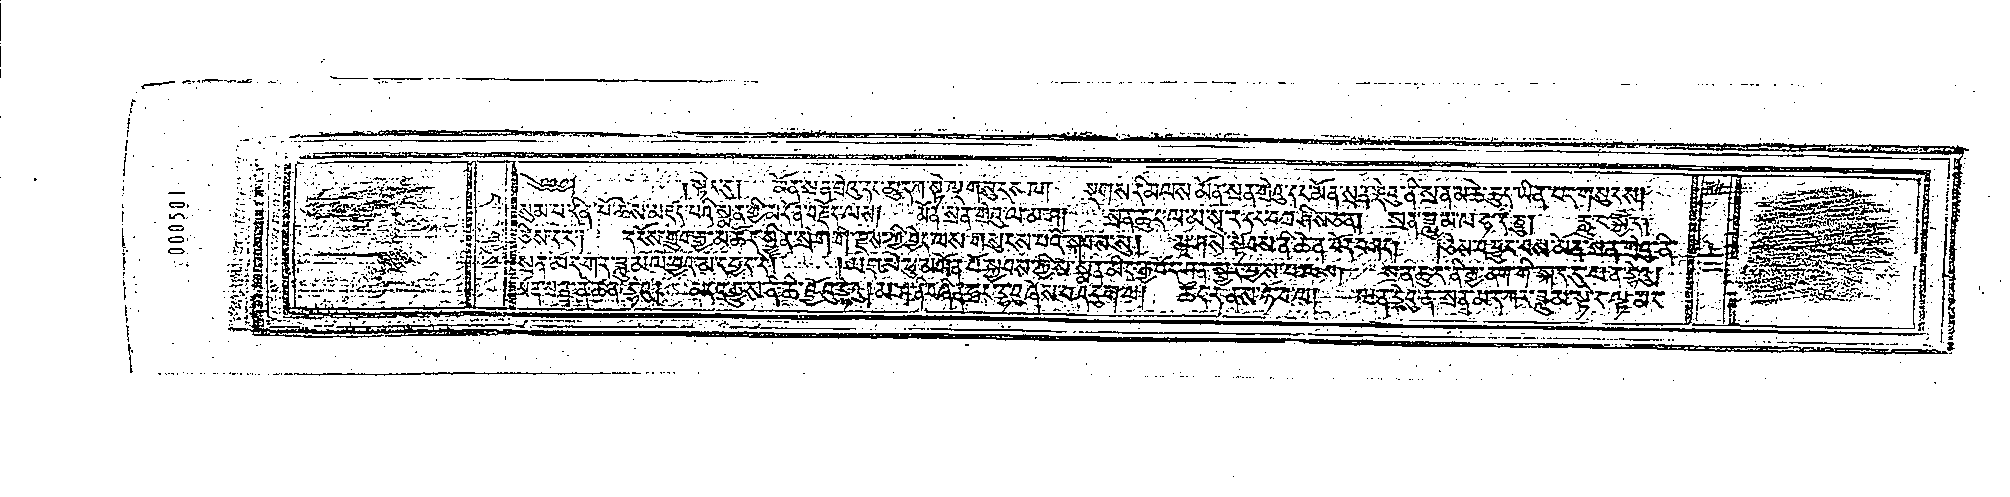༄༅༅། །སྟེང་དུ། མོན་སྲན་གྲེའུ་དང་མུད་ཀ་སྟེ་ལྔ་གསུངས་ལ། སྔགས་རིམ་ལས་མོན་སྲན་གྲེའུ་དང་མོན་སྲན་རྡེའུ་ནི་སྲན་མ་ཆེ་ཆུང་ཡིན་པར་གསུངས།
སུམ་པ་རིན་པོ་ཆེས་མཛད་པའི་སྨན་གྱི་མངོན་བརྗོད་ལས། མོན་སྲན་གྲེའུ་ལམ་ཤ། སྲན་ཆུང་ལ་མ་སཱུ་ར་དང་བཀྲ་ཤིས་ཅན། སྲན་ཟླུམ་ལ་ཧ་དེ་ཎུ། རླུང་སྐྱེད།
ཅིས་དང་། དངོས་གྲུབ་རྒྱ་མཆོད་སྦྱིན་སྲེག་གི་རྫས་ཀྱི་བྱེད་ལས་གསུངས་པའི་སྐབས་སུ། མཱ་ཤས་སྟོབས་ནི་ཆེན་བོར་བཤད། །ཅེས་འབྱུང་བས་མོན་སྲན་གྲེའུ་ནི་
སྲན་མ་དགར་ཟླུམ་ལ་བྱའམ་དབྱད་དེ། །ཡང་ཨེ་ཕུ་མགོན་པོ་སྐྱབས་ཀྱིས་སྨན་མིང་རྒྱ་བོད་ཤན་སྦྱར་བྱས་པ་ལས། སྲན་ཆུད་ནི་རྒྱ་ནག་གི་སྐད་དུ་ལན་དྷེའུ།
མོན་སྲན་ན་ཚན་དྷེའུ། མདའ་རྒྱུས་ནི་ཆི་བྷྱོའུ་དྷེའུ། མ་ཤ་ནི་བཞིན་ཧང་དྷའུ་ཞེས་པ་འདུག་ལ། ཚོང་ར་ནས་ཉོ་བ་ལ། ཝན་དྷེའུ་ན་སྲན་མ་དཀར་ཟླུམ་སྟེང་ལྟ་མང་